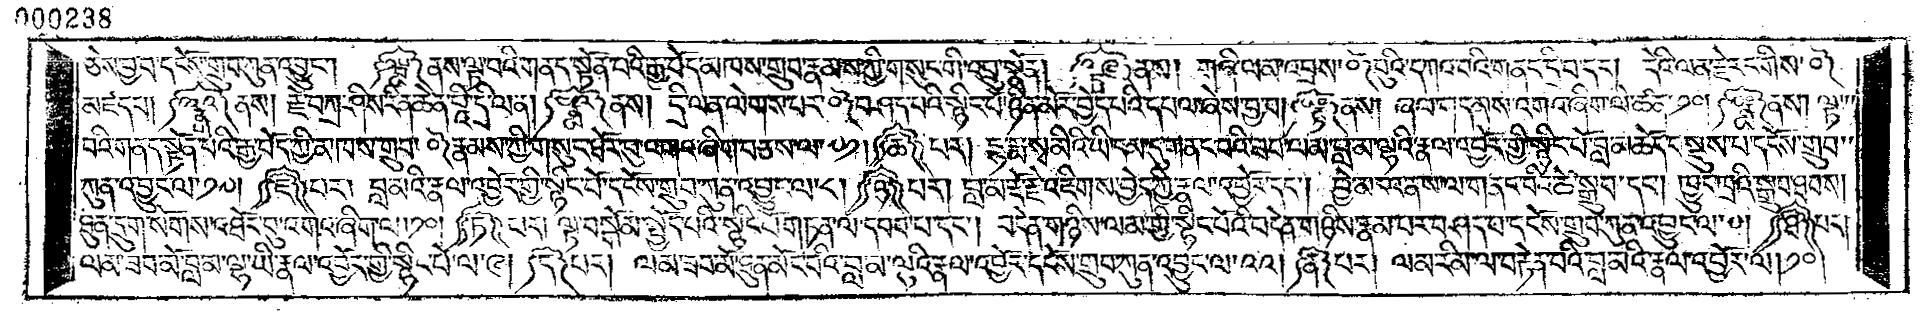ཅེས་བྱ་བ་དངོས་གྲུབ་ཀུན་འབྱུང་། ༼༡༥བ༦༽ ནས་ལྟ་བའི་གནད་སྟོན་པའི་རྒྱ་བོད་མཁས་གྲུབ་རྣམས་ཀྱི་གསུང་གི་འབྲུ་སྣོན། ༼༡༩ང༥༽ ནས། གཞི་ལམ་འབྲས། ྾༼་བུའི་དཀའ་བའི་གནད་དྲི་བ་དང་། དེའི་ལན་རྗེ་རང་གིས་ཨོ༽
མཛད་པ། ༼༣༢ན༥༽ ནས། རྗེ་བཀྲ་ཤིས་རིན་ཆེན་པཱི་དྲི་ལན། ༼༤༢ན༦༽ ནས། དྲི་ལན་ལེགས་པར་྾༼་བཤད་པའི་སྙིང་པོ་ཉིན་མོར་བྱེད་པའི་དཔལ་ཞེས་བྱ་བ། ༽༦༠ན༡༼་ནས། ཞལ་གདམས་འགའ་ཞིག་ལེ་ཚན ༡༠། ༽༧༠ན༦་ནས། ལྟ་
བའི་གནད་སྟོན་པའི་རྒྱ་བོད་ཀྱི་མཁས་གྲུབ། ྾༼་རྣམས་ཀྱི་གསུང་ཐོར་བུ་འགའ་ཞིག་བཅས་ལ ༧༡། ༽༼ཆ༽ པར། དྷ་རྨ་སྭ་མིའི་ཡི་དམ་དུ་གནང་བའི་ཟབ་ལམ་བླ་མ་ལྷའི་རྣལ་འབྱོར་གྱི་སྙིང་པོ་བླ་མཆོད་བསྡུས་པ་དངོས་གྲུབ་
ཀུན་འབྱུང་ལ ༡༧། ༼༽ཇ༼༽ པར། བླ་མའི་རྣལ་འབྱོར་གྱི་སྙིང་པོ་དངོས་གྲུབ་ཀུན་འབྱུང་ལ ༨། ༼༽ཉ༼༽ པར། བླ་མ་རྡོ་རྗེ་འཇིགས་བྱེད་ཀྱི་རྣལ་འབྱོར་དང་། བྱེ་མངའ་ནས་ལ་གནང་བའི་ཚེ་སྒྲུབ་དང་། ཁྱུང་ཁྲའི་སྒྲུབ་ཐབས།
ཐུན་དྲུག་སོགས་འཐོར་བུ་འགའ་ཞིག་ལ། ༡༠། ༼༽ཏ༼༽ པར། ལྟ་བསྒོམ་སྤྱོད་པའི་སྙིང་པོ་གཏན་ལ་དབབ་པ་དང་། བདེན་གཉིས་ལམ་གྱི་སྙིང་པོའི་བདེན་གཉིས་རྣམ་པར་བཤད་པ་དངོས་གྲུབ་ཀུན་འབྱུང་ལ ༧། ༼༽ཐ༼༽ པར།
ལམ་ཟབ་མོ་བླ་མ་ལྷ་ཡི་རྣལ་འབྱོར་གྱི་སྙིང་པོ་ལ ༩། ༼ད༽ པར། ལམ་ཟབ་མོ་ཐུན་མོང་བའི་བླ་མ་ལྷའི་རྣལ་འབྱོར་དངོས་གྲུབ་ཀུན་འབྱུང་ལ ༢༢། ༼ན༽ པར། ལམ་རིམ་ལ་བརྟེན་པའི་བླ་མའི་རྣལ་འབྱོར་ལ། ༡༠།